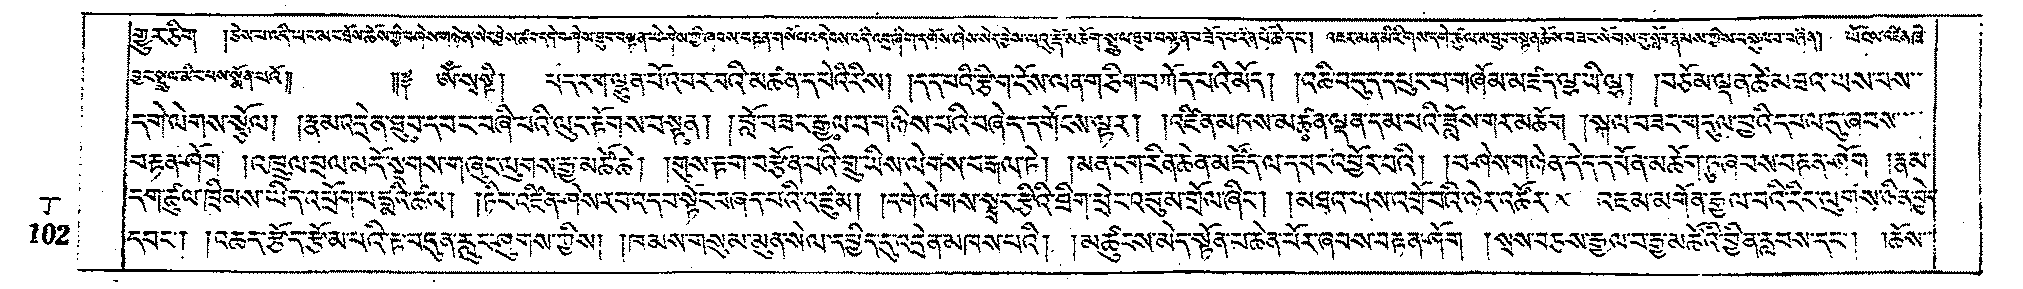གྱུར་ཅིག །ཅེས་པ་འདི་ཡང་མང་ཐོས་ཆོས་ཀྱི་བཤེས་གཉེན་སེར་བྱེས་ཚ་བ་དགེ་བཤེས་ཐུབ་བསྟན་ཡེ་ཤེས་ཀྱི་ཞབས་བརྟན་གསོལ་འདེབས་འདི་འདྲ་ཞིག་དགོས་ཞེས་སེར་བྱེས་ལའུ་རྡོ་མཆོག་སྤྲུལ་ཐུབ་བསྟན་བཟོད་པ་རིན་པོ་ཆེ་དང་། འཇར་མན་མི་རིགས་དགེ་ཚུལ་མ་ཐུབ་བསྟན་ཆོས་བཟང་སོགས་བུ་སློབ་རྣམས་ཀྱིས་བསྐུལ་བ་བཞིན། ཡོངས་འཛིན་ཁྲི་
བྱང་སྤྲུལ་མིང་པས་སྨོན་པའོ།། །།༈ ཨོཾ་སྭ་སྟི། པད་རག་ལྷུན་པོ་འབར་བའི་མཚན་དཔེའི་རིས། །དད་པའི་རྩིག་ངོས་ལན་གཅིག་བཀོད་པའི་མོད། །འཆི་བདུད་དཔུང་པ་གཞོམ་མཛད་ལྷ་ཡི་ལྷ། །བཅོམ་ལྡན་ཚེ་མཐའ་ཡས་པས་་་
དགེ་ལེགས་སྩོལ། །རྣམ་འདྲེན་ཐུབ྾་དབང་བཞི་པའི་ལུང་རྟོགས་བསྟན྾། །བློ་བཟང་རྒྱལ྾་བ་གཉིས་པའི་བཞེད་དགོངས་ལྟར། །འཛིན་མཁས་མཚན྾་ལྡན་དམ་པའི་ཟློས་གར་མཆོག །སྐལ་བཟང་གདུལ་བྱའི་དཔལ་དུ་ཞབས་་་
བརྟན་ཤོག །འཁྲུལ་བྲལ་མདོ་སྔགས་གཞུང་ལུགས་རྒྱ་མཚོ་ཆེ། །གུས་རྟག་བརྩོན་པའི་གྲུ་ཡིས་ལེགས་བརྒལ་ཏེ། །མན་ངག་རིན་ཆེན་མཛོད་ལ་དབང་འབྱོར་བའི། །བཤེས་གཉེན་དེད་དཔོན་མཆོག་ཏུ་ཞབས་བརྟན་ཤོག །རྣམ་
དག་ཚུལ་ཁྲིམས་ཡིད་འཕྲོག་པདམའི་ཚལ། །ཏིང་འཛིན་ཤེས་རབ་འདབ་སྟོང་བཞད་པའི་འཛུམ། །དགེ་ལེགས་སྦྲང་རྩིའི་ཐིག་ཕྲེང་འབུམ་གྲོལ་ཞིང་། །མཐའ་ཡས་འགྲོ་བའི་ཉེར་འཚོར་྾་འཇམ་མགོན་རྒྱལ་བའི་རིང་ལུགས་ཉིན་བྱེད་
དབང་། །འཆད་རྩོད་རྩོམ་པའི་རྟ་བདུན་རླུང་ཤུགས་ཀྱིས། །ཁམས་གསུམ་མུན་སེལ་དཔྱིད་དུ་འདྲེན་མཁས་པའི། །མཚུངས་མེད་སྟོན་པ་ཆེན་པོར་ཞབས་བརྟན་ཤོག །སྲས་བཅས་རྒྱལ་བ་རྒྱ་མཚོའི་བྱིན་རླབས་དང་། །ཆོས་་་